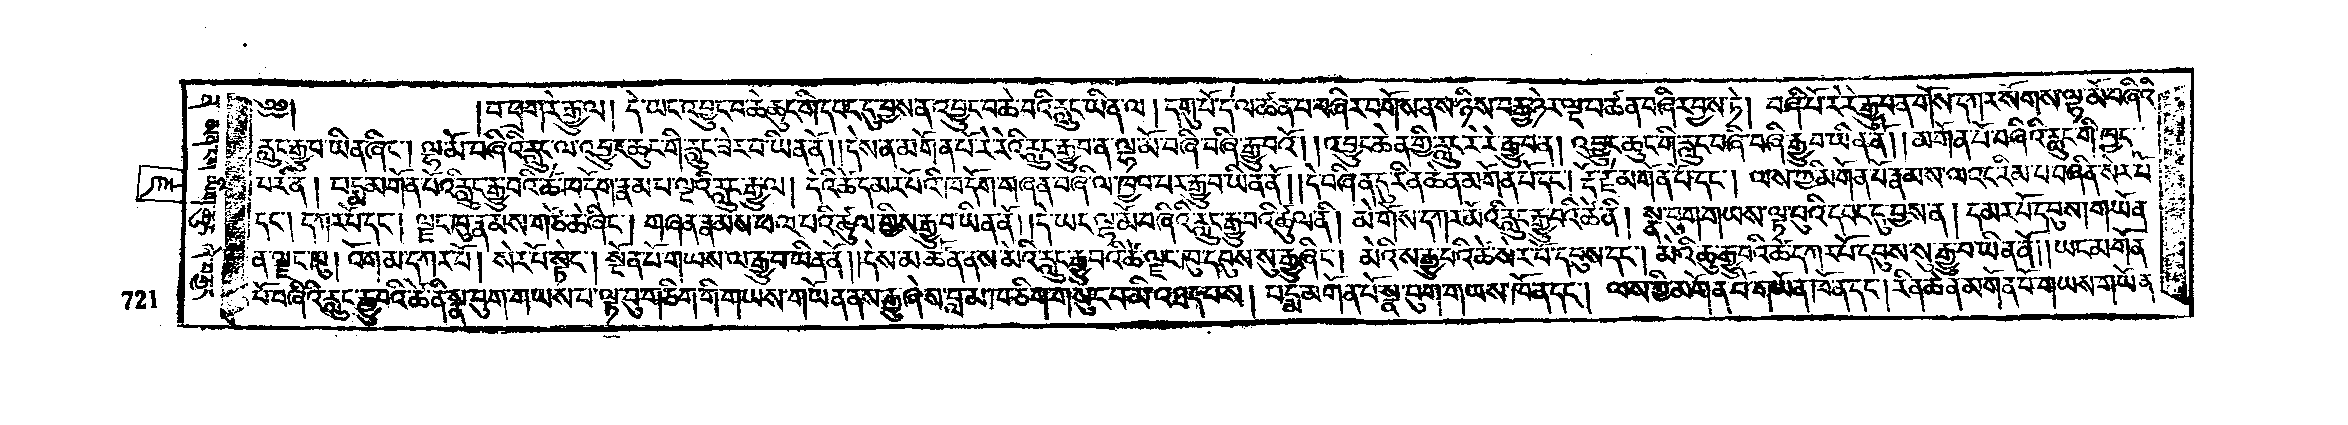༄༅། །པ་ཕྲག་རེ་རྒྱུ་ལ། དེ་ཡང་འབྱུང་བ་ཆེ་ཆུང་གི་དབང་དུ་བྱས་ན་འབྱུང་བ་ཆེ་བའི་རླུང་ཡིན་ལ། དགུ་པོ་དེ་ལ་ཚན་པ་བཞིར་བགོས་ནས་ཉིས་བརྒྱ་ཉེར་ལྔ་པ་ཚན་བཞིར་བྱས་ཏེ། བཞི་པོ་རེ་རེ་རྒྱུ་བ་ན་གོས་དཀར་སོགས་ལྷ་མོ་བཞིའི་
རླུང་རྒྱུ་བ་ཡིན་ཞིང་། ལྷ་མོ་བཞིའི་རླུང་ལ་འབྱུང་ཆུང་གི་རླུང་ཟེར་བ་ཡིན་ནོ། །དེས་ན་མགོན་པོ་རེ་རེའི་རླུང་རྒྱུ་བ་ན་ལྷ་མོ་བཞི་བཞི་རྒྱུ་བའོ། །འབྱུང་ཆེན་གྱི་རླུང་རེ་རེ་རྒྱུ་བ་ན། འབྱུང་ཆུང་གི་རླུང་བཞི་བཞི་རྒྱུ་བ་ཡིན་ནོ། །མགོན་པོ་བཞིའི་རླུང་གི་ཁྱད་
པར་ནི། པདམ་མགོན་པོའི་རླུང་རྒྱུ་བའི་ཚེ་ཁ་དོག་རྣམ་པ་ལྔའི་རླུང་རྒྱུ་ལ། དེའི་ཚེ་དམར་པོའི་ཁ་དོག་གཞན་བཞི་ལ་ཁྱབ་པར་རྒྱུ་བ་ཡིན་ནོ། །དེ་བཞིན་དུ་རིན་ཆེན་མགོན་པོ་དང་། རྡོ་རྗེ་མགོན་པོ་དང་། ལས་ཀྱི་མགོན་པོ་རྣམས་ལའང་རིམ་པ་བཞིན་སེར་པོ་
དང་། དཀར་པོ་དང་། ལྗང་ཁུ་རྣམས་གཙོ་ཆེ་ཞིང་། གཞན་རྣམས་ཕལ་བའི་ཚུལ་གྱིས་རྒྱུ་བ་ཡིན་ནོ། །དེ་ཡང་ལྷ་མོ་བཞིའི་རླུང་རྒྱུ་བའི་ཚུལ་ནི། མེ་གོས་དཀར་མོའི་རླུང་རྒྱུ་བའི་ཚེ་ནི། སྣ་བུག་གཡས་ལྟ་བུའི་དབང་དུ་བྱས་ན། དམར་པོ་དབུས། གཡོན་
ཕ༹ན་ལྗང་ཁུ། འོག་མ་དཀར་པོ། སེར་པོ་སྟེང་། སྔོན་པོ་གཡས་ལ་རྒྱུ་བ་ཡིན་ནོ། །དེས་མཚོན་ནས་མེའི་རླུང་རྒྱུ་བའི་ཚེ་ལྗང་ཁུ་དབུས་སུ་རྒྱུ་ཞིང་། མེའི་ས་རྒྱུ་བའི་ཚེ་སེར་པོ་དབུས་དང་། མེའི་ཆུ་རྒྱུ་བའི་ཚེ་དཀར་པོ་དབུས་སུ་རྒྱུ་བ་ཡིན་ནོ། །ཡང་མགོན་
པོ་བཞིའི་རླུང་རྒྱུ་བའི་ཚེ་ནི་སྣ་བུག་གཡས་པ་ལྟ་བུ་གཅིག་གི་གཡས་གཡོན་ནས་རྒྱུ་ཞེས་བླ་མ་ཁ་ཅིག་གསུང་བ་མི་འཐད་པས། པདམ་མགོན་པོ་སྣ་བུག་གཡས་ཁོ་ན་དང་། ལས་ཀྱི་མགོན་པོ་གཡོན་ཁོ་ན་དང་། རིན་ཆེན་མགོན་པོ་གཡས་གཡོན་